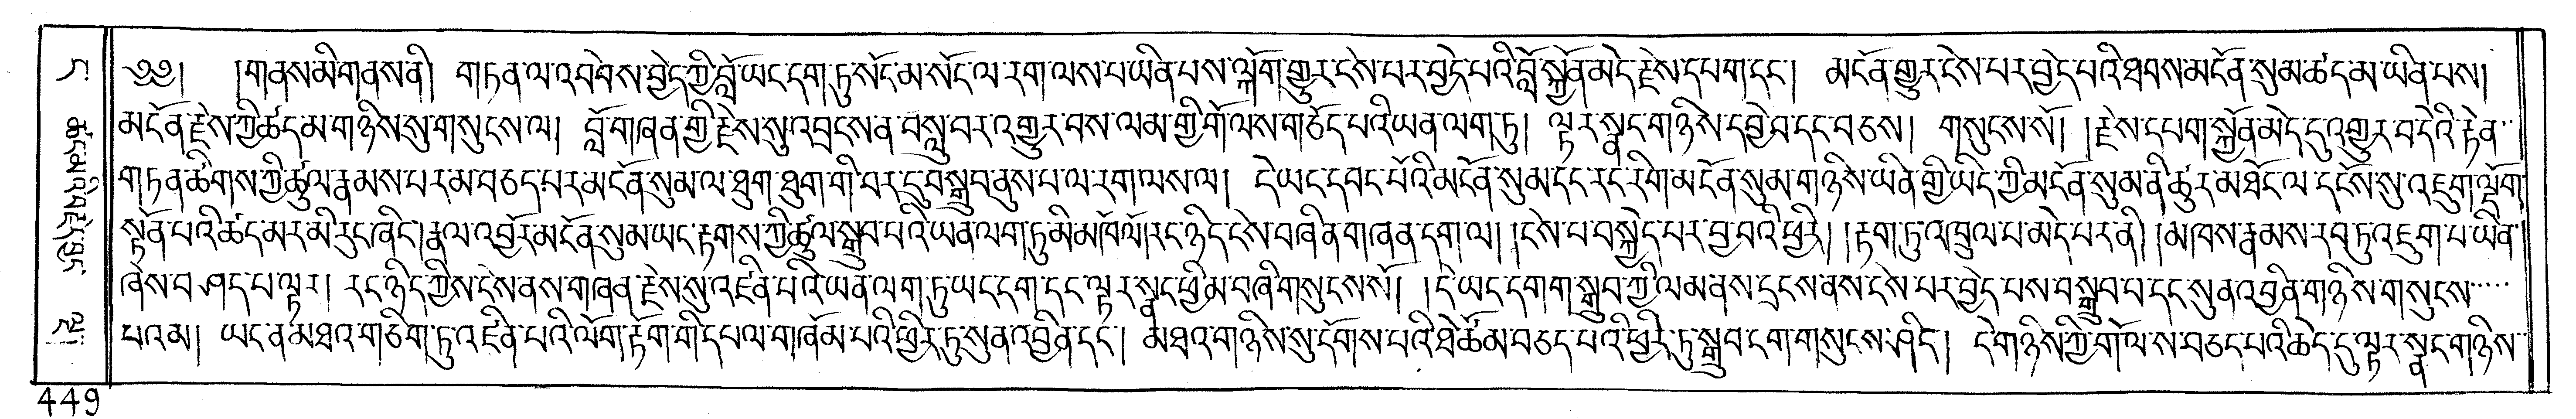༄༅། །གནས་མི་གནས་ནི། གཏན་ལ་འབེབས་བྱེད་ཀྱི་བློ་ཡང་དག་ཏུ་སོང་མ་སོང་ལ་རག་ལས་པ་ཡིན་པས་ལྐོག་གྱུར་ངེས་པར་བྱེད་པའི་བློ་སྐྱོན་མེད་རྗེས་དཔག་དང་། མངོན་གྱུར་ངེས་པར་བྱེད་པའི་ཐབས་མངོན་སུམ་ཚད་མ་ཡིན་པས།
མངོན་རྗེས་ཀྱི་ཚད་མ་གཉིས་སུ་གསུངས་ལ། བློ་གཞན་གྱི་རྗེས་སུ་འབྲངས་ན་བསླུ་བར་འགྱུར་བས་ལམ་གྱི་གོ་ལ་ས་གཅོད་པའི་ཡན་ལག་ཏུ། ལྟར་སྣང་གཉིས་དབྱེ་བ་དང་བཅས་པ་གསུངས་སོ། །རྗེས་དཔག་སྐྱོན་མེད་དུ་འགྱུར་བ་དེའི་རྟེན་
གཏན་ཚིགས་ཀྱི་ཚུལ་རྣམས་བར་མ་བཅད་པར་མངོན་སུམ་ལ་ཐུག་ཐུག་གི་བར་དུ་བསྒྲུབ་ནུས་པ་ལ་རག་ལས་ལ། དེ་ཡང་དབང་པོའི་མངོན་སུམ་དང་རང་རིག་མངོན་སུམ་གཉིས་ཡིན་གྱི་ཡིད་ཀྱི་མངོན་སུམ་ནི་ཚུར་མཐོང་ལ་དངོས་སུ་འཇུག་ལྡོག་
སྟོན་པའི་ཚད་མར་མི་རུང་ཞིང་། རྣལ་འབྱོར་མངོན་སུམ་ཡང་རྟགས་ཀྱི་ཚུལ་སྒྲུབ་པའི་ཡན་ལག་ཏུ་མི་མཁོའོ། རང་ཉིད་ངེས་བཞིན་གཞན་དག་ལ། །ངེས་པ་བསྐྱེད་པར་བྱ་བའི་ཕྱིར། །རྟག་ཏུ་འཁྲུལ་པ་མེད་པར་ནི། །མཁས་རྣམས་རབ་ཏུ་འཇུག་པ་ཡིན།
ཞེས་བཤད་པ་ལྟར། རང་ཉིད་ཀྱིས་ངེས་ནས་གཞན་རྗེས་སུ་འཛིན་པའི་ཡན་ལག་ཏུ་ཡང་དག་དང་ལྟར་སྣང་ཕྱི་མ་བཞི་གསུངས་སོ། །དེ་ཡང་དགག་སྒྲུབ་ཀྱི་ལམ་ནས་དྲངས་ནས་ངེས་པར་བྱེད་པས་བསྒྲུབ་པ་དང་སུན་འབྱིན་གཉིས་གསུངས་
པའམ། ཡང་ན་མཐའ་གཅིག་ཏུ་འཛིན་པའི་ལོག་རྟོག་གི་དབལ་གཞོམ་པའི་ཕྱིར་ཏུ་སུན་འབྱིན་དང་། མཐའ་གཉིས་སུ་དོགས་པའི་ཐེ་ཚོམ་བཅད་པའི་ཕྱིར་ཏུ་སྒྲུབ་ངག་གསུངས་ཤིང་། དེ་གཉིས་ཀྱི་གོ་ལས་བཅད་པའི་ཆེད་དུ་ལྟར་སྣང་གཉིས་